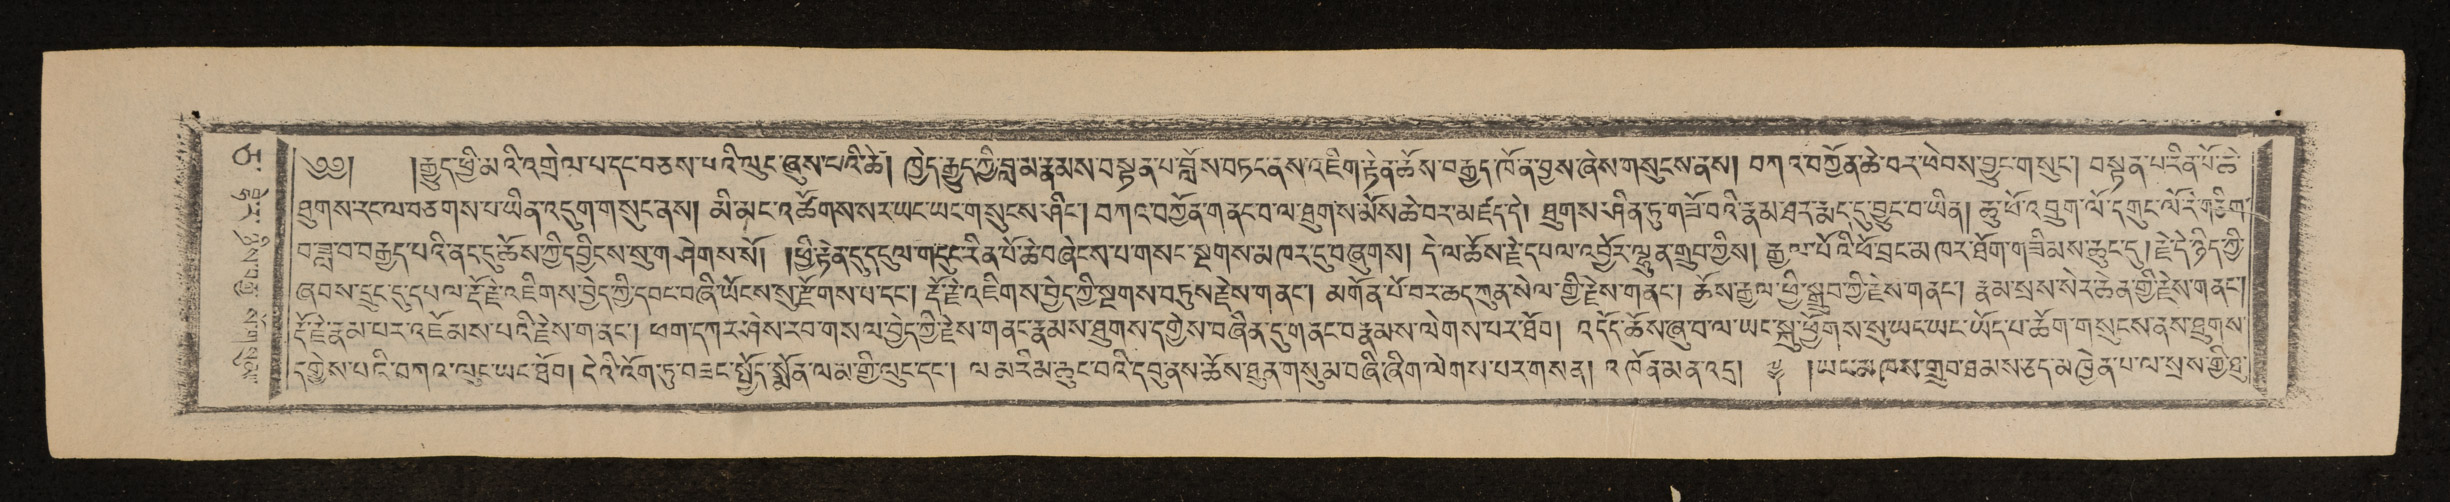༄༅། །རྒྱུད་ཕྱི་མའི་འགྲེལ་པ་དང་བཅས་པའི་ལུང་ཞུས་པའི་ཚེ། ཁྱེད་རྒྱུད་ཀྱི་བླ་མ་རྣམས་བསྟན་པ་བློས་བཏང་ནས་འཇིག་རྟེན་ཆོས་བརྒྱད་ཁོ་ན་བྱས་ཞེས་གསུངས་ནས། བཀའ་བཀྱོན་ཆེ་བར་ཕེབས་བྱུང་གསུང་། བསྟན་པ་རིན་པོ་ཆེ་
ཐུགས་རང་ལ་བཅགས་པ་ཡིན་འདུག་གསུང་ནས། མི་མང་འཚོགས་སར་ཡང་ཡང་གསུངས་ཤིང་། བཀའ་བཀྱོན་གནང་བ་ལ་ཐུགས་མོས་ཆེ་བར་མཛད་དེ། ཐུགས་ཤིན་ཏུ་གཟོ་བའི་རྣམ་ཐར་རྨད་དུ་བྱུང་བ་ཡིན། ཆུ་ཕོ་འབྲུག་ལོ་དགུང་ལོ་རེ་གཅིག་
པ་ཟླ་བ་བརྒྱད་པའི་ནང་དུ་ཆོས་ཀྱི་དབྱིངས་སུ་གཤེགས་སོ། །ཕྱི་རྟེན་དུ་དངུལ་གདུང་རིན་པོ་ཆེ་བཞེངས་པ་གསང་སྔགས་མཁར་དུ་བཞུགས། དེ་ལ་ཆོས་རྗེ་དཔལ་འབྱོར་ལྷུན་གྲུབ་ཀྱིས། རྒྱལ་པོའི་ཕོ་བྲང་མཁར་ཐོག་གཟིམས་ཆུང་དུ། རྗེ་དེ་ཉིད་ཀྱི་
ཞབས་དྲུང་དུ་དཔལ་རྡོ་རྗེ་འཇིགས་བྱེད་ཀྱི་དབང་བཞི་ཡོངས་སུ་རྫོགས་པ་དང་། རྡོ་རྗེ་འཇིགས་བྱེད་ཀྱི་སྔགས་བཏུས་རྗེས་གནང་། མགོན་པོ་བར་ཆད་ཀུན་སེལ་གྱི་རྗེས་གནང་། ཆོས་རྒྱལ་ཕྱི་སྒྲུབ་ཀྱི་རྗེས་གནང་། རྣམ་སྲས་སེར་ཆེན་གྱི་རྗེས་གནང་།
རྡོ་རྗེ་རྣམ་པར་འཇོམས་པའི་རྗེས་གནང་། ཕག་དཀར་ཤེས་རབ་གསལ་བྱེད་ཀྱི་རྗེས་གནང་རྣམས་ཐུགས་དགྱེས་བཞིན་དུ་གནང་བ་རྣམས་ལེགས་པར་ཐོབ། འདོད་ཆོས་ཞུ་བ་ལ་ཡང་སྐུ་ཕྱོགས་སུ་ཡང་ཡང་ཡོད་བ་ཆོ་ག་གསུངས་ནས་ཐུགས་
དགྱེས་པའི་བཀའ་ལུང་ཡང་ཐོབ། དེའི་འོག་ཏུ་བཟང་སྤྱོད་སྨོན་ལམ་གྱི་ལུང་དང་། ལམ་རིམ་ཆུང་བའི་དབུ་ནས་ཆོས་ཐུན་གསུམ་བཞི་ཞིག་ལེགས་པར་གསན། འཁོན་མན་འདྲ། ༈ །ཡང་མཁས་གྲུབ་ཐམས་ཅད་མཁྱེན་པ་ལ་སྲས་ཀྱི་ཐུ་